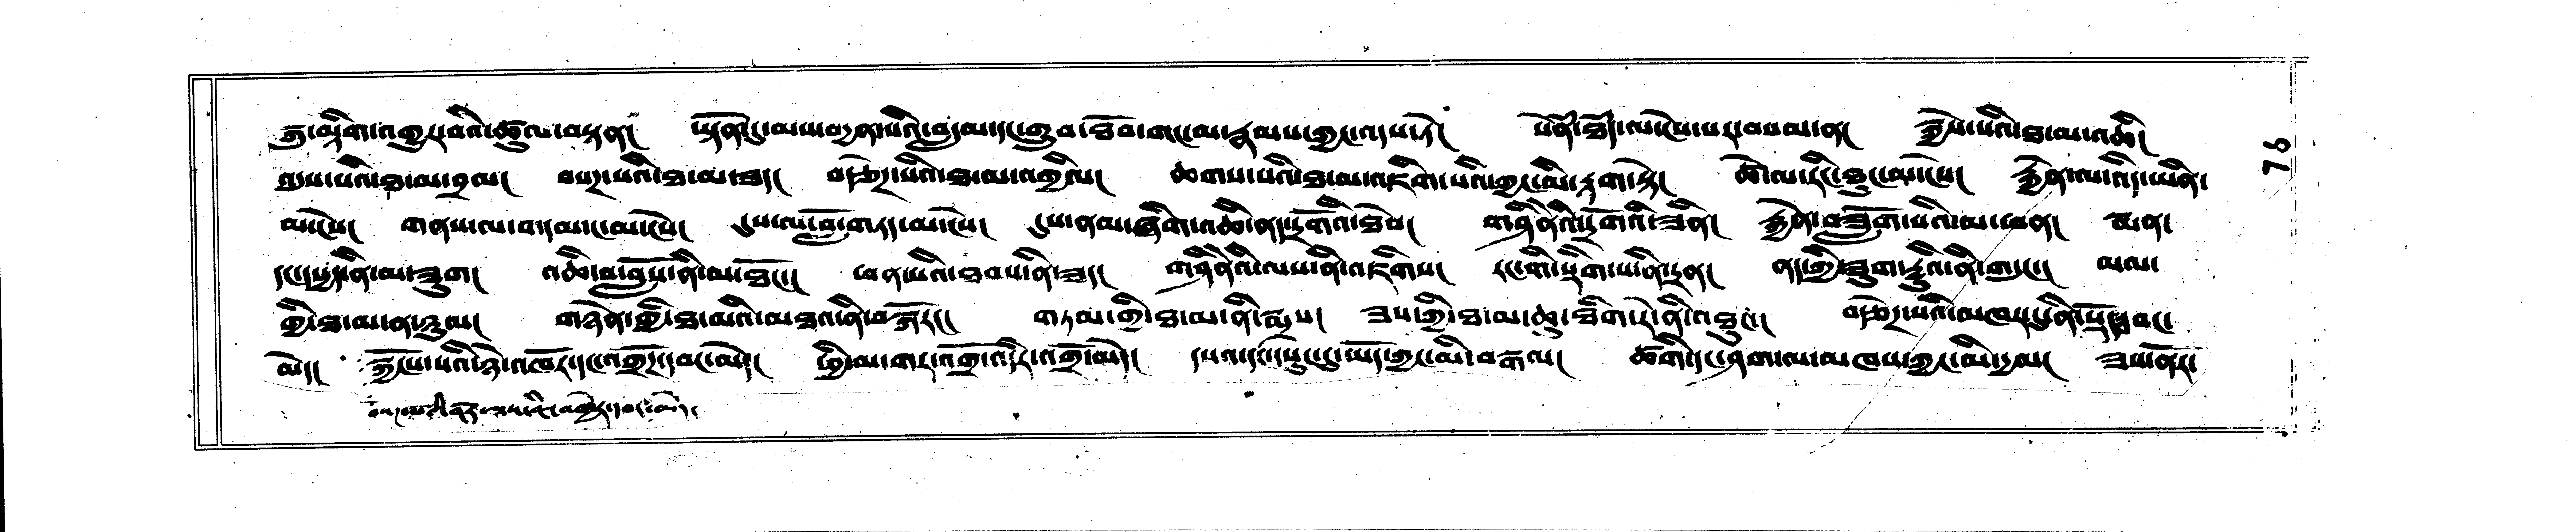སྐུ་མི་རྟག་འགྱུར་བའི་ཚུལ་བསྟན། ཡོན་ཏན་དུ་མས་བརྒྱན་པའི་བླ་མ་དང་གྲུབ་ཐོབ་གོང་མ་རྣམས་ཀྱང་འདས་ཏེ། སེམས་ཅན་ཐམས་ཅད་མ་ངེས་པར་བསམས་ན། སྐྱེས་པའི་ཐ་མ་འཆི། 
འདུས་པའི་ཐ་མ་བྲལ། བསགས་པའི་ཐ་མ་ཟད། བརྩེགས་པའི་ཐ་མ་འགྱེལ། ཆགས་པའི་ཐ་མ་འཇིགས་པས་ཀྱང་མི་རྟག་སྟེ། ཚེ་ལ་རིང་ཐུང་མ་ངེས། རྐྱེན་ལ་འདི་ཡིན་
མ་ངེས། གནས་ལ་གདམ་ང་མ་ངེས། དུས་ལ་བློ་གཏད་མ་ངེས། དུས་ནམ་ཞིག་འཆི་ནད་དྲག་པོས་ཐེབས། གཤིན་རྗེ་དྲག་པོས་ཟིན། རྐྱེན་ཟློག་པས་མ་ཕན། སྨན་
དང་དཔྱད་ནི་མ་ཟུག འཆི་བ་བློས་ནི་མ་ཐོངས། ཕན་པའི་ཐབས་ནི་ཟད། གཤིན་རྗེའི་ལས་ནི་འཇིགས། རང་གི་སྡིག་པ་ནི་དྲན། ནད་ཀྱི་ཟུག་རྔུས་ནི་གདུང་། ལམ་
གྱི་ཐ་མ་ན་ཉུལ། གཉེན་གྱི་ཐ་མའི་མཐའ་ནི་བསྐོར། གཏམ་གྱི་ཐ་མ་ནི་སྨྲས། ཟས་ཀྱི་ཐ་མ་ཆུ་ཐིགས་རེ་ནི་འཐུང་། བརྩེགས་པའི་མཁར་དུ་ནི་སྡོད་དབང་
མེད། བསགས་པའི་ནོར་ཟས་ནི་འཁྱེར་དབང་མེད། སྐྱོང་བའི་ཉེ་འཁོར་དང་འགྲོགས་དབང་ནི་མེད། ཕྱི་མ་གར་འགྲོ་འདིར་འགྲོ་མེད། དཔའ་དང་དཔུང་དུ་ཡོད་ཀྱང་མི་བརྒལ། ཚིག་དང་